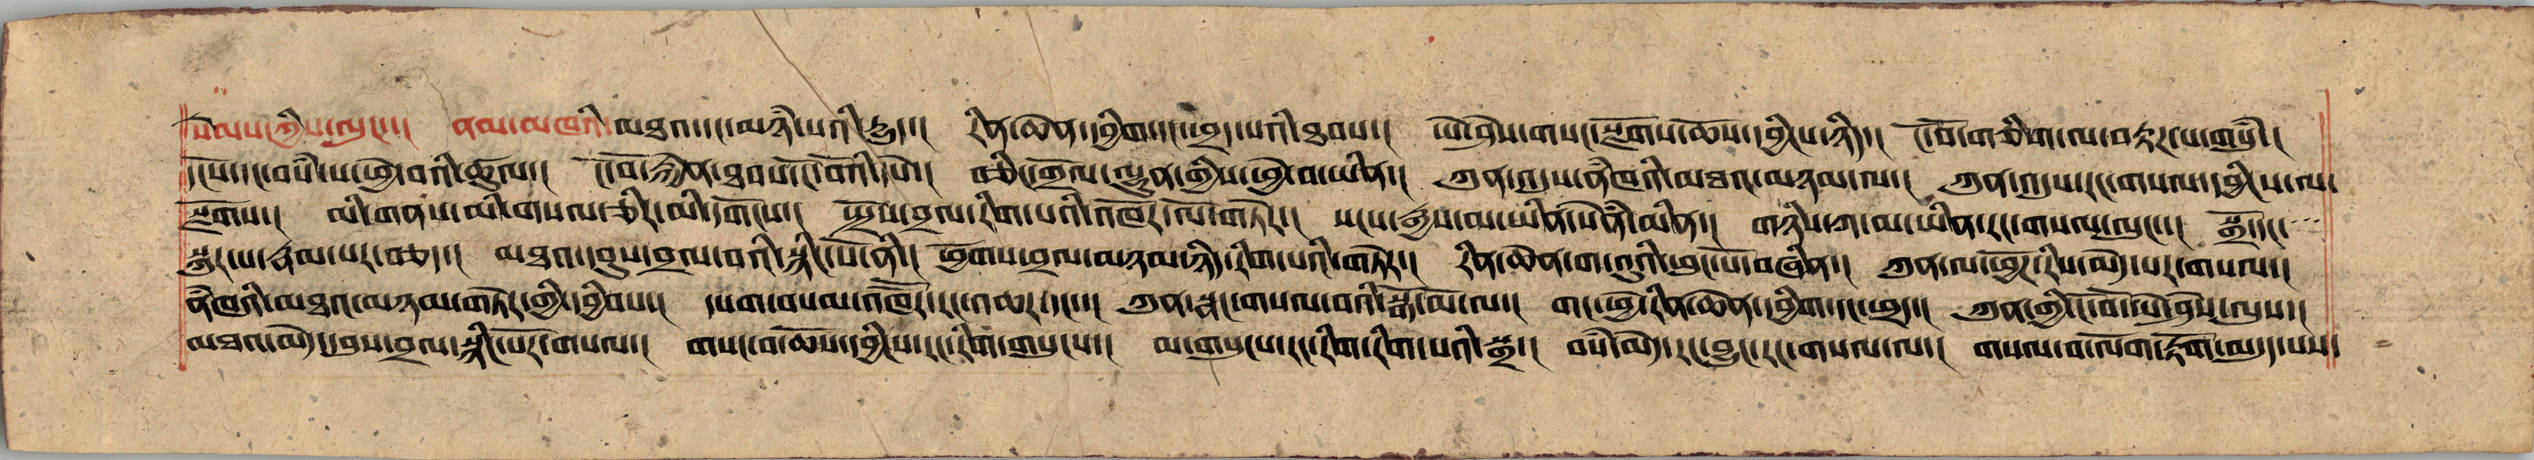སེམས་ཀྱིས་ལུང་་། ནམ་མཁའི་མཐའ་དང་མཉཾ་པའི་དྱུད་། རིན་ཆེན་དབྱིག་དང་ཕྲད་པའིི་ཐབས་། ཡེ་ཤེས་གསང་སྫོགས་ཆོས་དབྱིངས་ཉིད་། ངོ་བོ་གཅིག་ལ་བརྟཌ་པ་གསུཾ་།
དངོས་དང་བསཾ་པ་ཕྱེ་བའི་ཚུལ་། ངོ་བོ་རྐྱེན་ཐབས་ངོ་བོའི་དཔེ་། བཅིང་གྲོལ་ལྷུན་གྱིས་ཕྱེ་བའི་ཡིན་། ཀུན་འདུས་ནཾཁའི་མཐའ་མཉམ་ལ་། ཀུན་འདུས་རང་གསལ་དབྱིངས་ལ་
སྫོགས་། མི་གནས་མི་གསལ་ཅིར་མི་དགོངས་། སྤྲོས་བྲལ་རིག་པའི་འཁོར་ལོ་གཏེར་། སངས་རྒྱས་མ་ཡིན་སེཾན་མིན་། གཉིས་ཀ་མ་ཡིན་རང་གསལ་ལུང་་། སྒྲོ་དང་
སྐུར་པ་རྣམ་པར་བཅད་། མཐའ་དབུས་བྲལ་བའི་སྙིང་པོ་ནི་། ཕྱོགས་བྲལ་མཉམ་ཉིད་རིག་པའི་གཏེར་། རིན་ཆེན་ག་འུའི་ཕུང་པོ་བཞིན་། ཀུན་ལ་ཕྱོཌ་རིས་མེད་པར་གསལ་།
ནཾཁའི་མཐའ་མཉམ་གཏེར་གྱི་དབྱིབས་། དཔག་བསམ་འཁཽར་རང་འཆར་དང་་། ཀུན་སྣང་གསལ་བའི་སྒོ་མོ་ལ་། གང་ཕྱེ་རིན་ཆེན་དབྱིག་དང་ཕྲད་། ཀུན་གྱི་ངོ་བོ་ཡེ་ཤེས་ལུས་།
མཐའ་མེད་དབུས་བྲལ་སྙིང་པོར་གསལ་། གསང་བ་ཆོས་དབྱིངས་རང་རིག་གསུངས་། མ་གསུངས་རང་རིག་རིག་པའི་སྒྲ་། བསཾ་མེད་རང་བྱུང་རང་གསལ་ལ་། གསལ་བ་ལོག་རྟོག་མདུད་པས